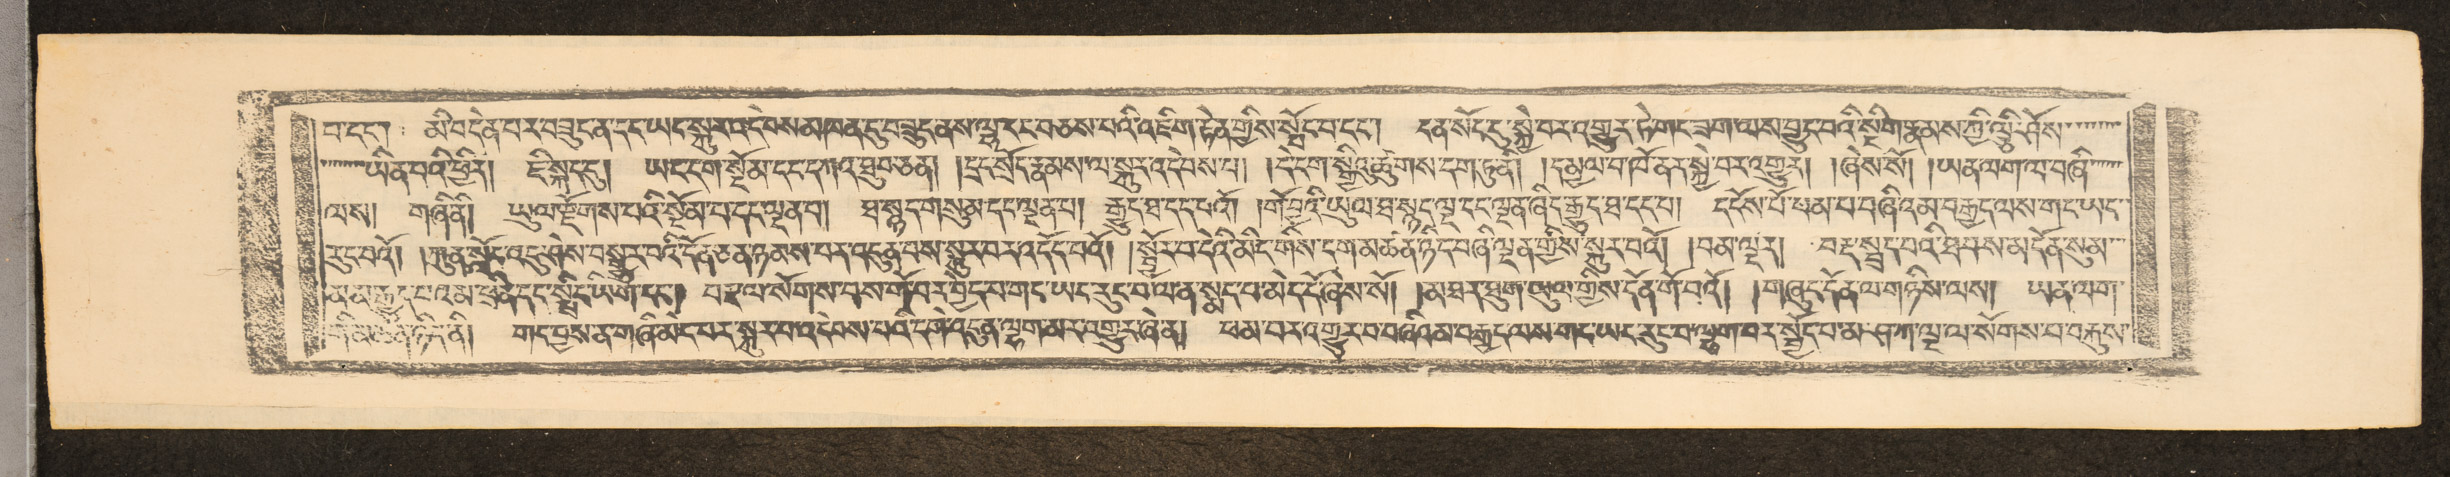པ་དང་། མི་བདེན་པར་བཟུང་ན་རང་ཡང་སྐུར་འདེབས་མཁན་དུ་བཟུང་ནས་ལྷ་དང་བཅས་པའི་འཇིག་རྟེན་གྱིས་སྤོང་བ་དང་། ངན་སོང་དུ་སྐྱེ་བར་འགྱུར་ཏེ་གང་ཟག་ལས་བྱུང་བའི་སྡིག་རྣམས་ཀྱི་ལྕི་ཤོས་
ཡིན་པའི་ཕྱིར། ཇི་སྐད་དུ། ཡང་དག་སྡོམ་དང་དཀའ་ཐུབ་ཅན། །དྲང་སྲོང་རྣམས་ལ་སྐུར་འདེབས་པ། །དེ་དག་སྤྱིའུ་ཚུགས་དག་ཏུ་ནི། །དམྱལ་བ་ཁོ་ནར་སྐྱེ་བར་འགྱུར། །ཞེས་སོ། །ཡན་ལག་ལ་བཞི་
ལས། གཞི་ནི། ཡུལ་རྫོགས་པའི་སྡོམ་པ་དང་ལྡན་པ། ཐ་སྙད་གསུམ་དང་ལྡན་པ། རྒྱུད་ཐ་དད་པའོ། །གོ་བྱའི་ཡུལ་ཐ་སྙད་ལྔ་དང་ལྡན་ཞིང་རྒྱུད་ཐ་དད་པ། དངོས་པོ་ཕམ་པ་བཞི་འམ་བརྒྱད་ལས་གང་ཡང་
རུང་བའོ། །ཀུན་སློང་འདུ་ཤེས་བསྒྱུར་བའི་དོན་ཅན་ཉམས་པར་འདུན་པས་སྐུར་བར་འདོད་པའོ། །སྦྱོར་བ་དེའི་མིང་གིས་ངག་མཚན་ཉིད་བཞི་ལྡན་གྱིས་སྐུར་བའོ། །བམ་ལྡར། བརྡ་སྤྲད་པའི་ཐབས་མངོན་སུམ་
མ་མ་རྒྱུད་པའམ་ཕྲིན་དང་སྤྲིང་ཡིག་དང་། བརྡ་ལ་སོགས་པས་གོ་བར་བྱེད་པ་གང་ཡང་རུང་བ་ལ་ན་སྨད་པ་མེད་དོ་ཞེས་སོ། །མཐར་ཐུག་ཡུལ་གྱིས་དོན་གོ་པའོ། །གཞུང་དོན་ལ་གཉིས་ལས། ཡན་ཨིལག་
གི་མཚན་ཉིད་ནི། གང་བྱས་ན་གཞི་མེད་པར་སྐུར་བ་འདེབས་པའི་དགེ་འདུན་ལྷག་མར་འགྱུར་ཞེ་ན། ཕམ་པར་འགྱུར་བ་བཞིའམ་བརྒྱད་ལས་གང་ཡང་རུང་བ་ལྷག་པར་སྤྱོད་པ་མ་ཤ་ཀ་ལྔ་ལ་སོགས་པ་བརྐུས་